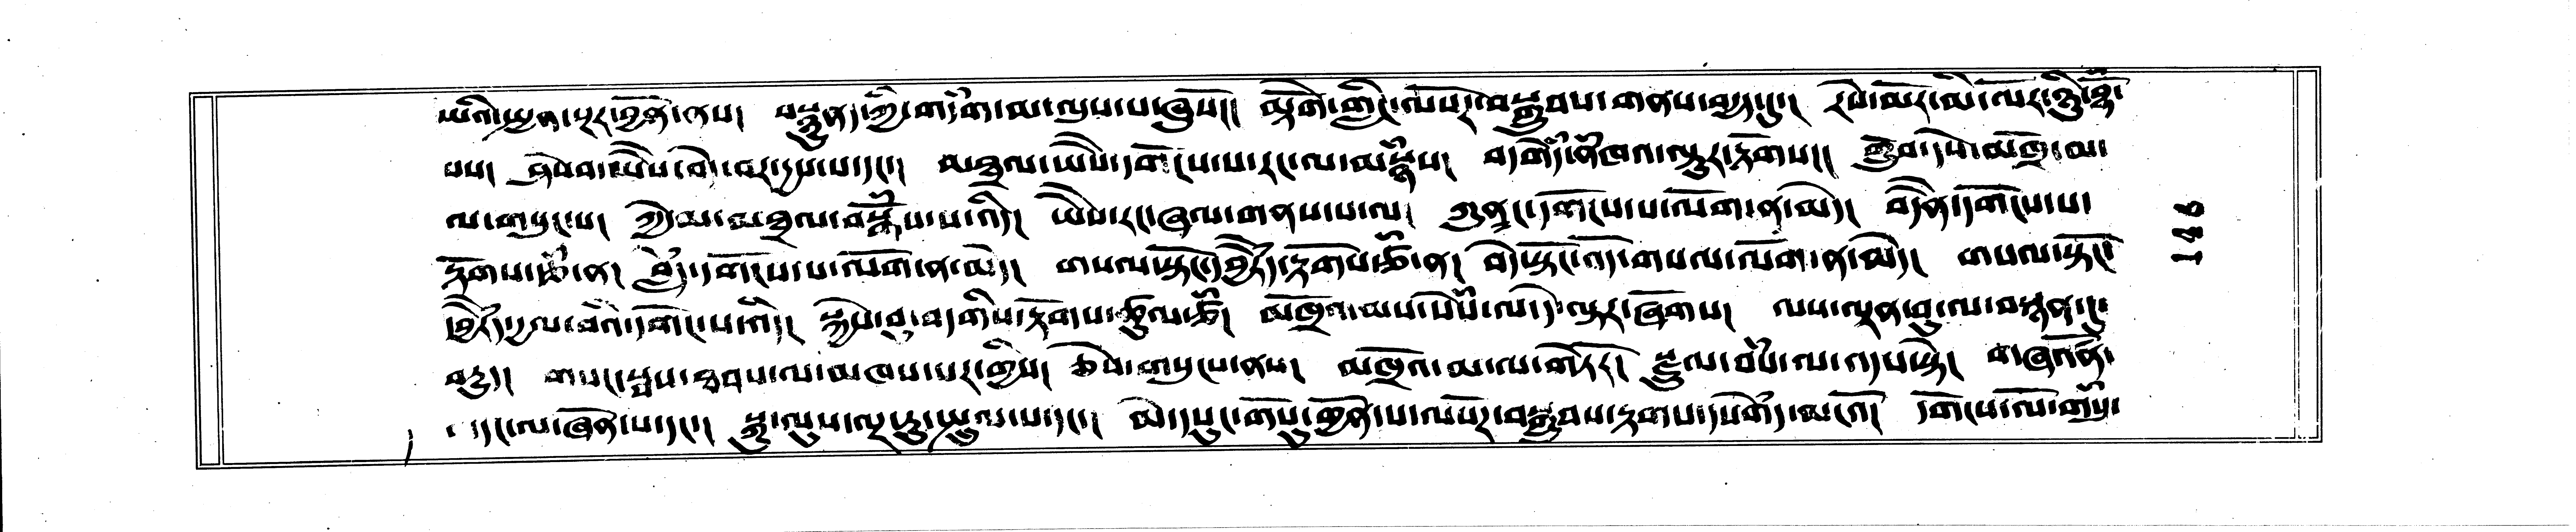ཡའི་སྤྱན་སྔར་བྱོན་ནས། སྙན་རྒྱུད་ཀྱི་གདམས་ངག་མ་ལུས་པ་ཞུས་སོ། །མེ་ཏོག་གླིང་ལ་སོགས་སྒྲུབ་གནས་བརྒྱད་དུ། རེས་མོར་མི་ལོ་ཉི་ཤུ་བསྒོམས་
པས། ཤེས་རབ་ཡེ་ཤེས་བདེ་བར་རྒྱས་པ་དང་། མཐའ་བྲལ་ཡེ་ཤེས་དགོངས་པ་རང་ལ་བསྙེམས། བདག་མེད་ནམ་མཁའ་ལྟ་བུར་རྟོགས། གྲུབ་ཐོབ་དེས་མཁའ་འགྲོ་མ་
ལ་གསུངས་པ། ཀྱེ་མ་མཐའ་བྲལ་བསྒོམ་པ་འདི། ཡེ་ཤེས་རང་ཞལ་གནས་པ་ལ། ཀུན་བཟང་དགོངས་པ་ལོགས་ན་མེད། བདེ་ཆེན་དགོངས་པ་
རྟོགས་ཙམ་ན། བླ་མེད་དགོངས་པ་ལོགས་ན་མེད། གསལ་སྟོང་དབྱེར་མེད་རྟོགས་ཙམ་ན། བདེ་སྟོང་འོད་གསལ་ལོགས་ན་མེད། གསལ་སྟོང་
དབྱེར་མེད་རྒྱལ་བའི་དགོངས་པ་འདི། སྐྱེས་བུ་བདག་གིས་རྟོགས་ཚུལ་ཙམ། མཁའ་འགྲོ་མས་སེམས་ལ་དེ་ལྟར་ཞོག ལས་ལྡན་བུ་ལ་སྙན་དུ་
བརྒྱུད། གསང་སྦས་ཐབས་ལ་མཁས་པར་གྱིས། ཅེས་གསུངས་ནས། མཁའ་འགྲོ་མ་ལ་གཏོར་རོ། །རྫུ་འཕྲུལ་བསམ་ལས་འདས་ཏེ། གཞའ་ཚོན་
གདང་ལ་ཞོན་པ་དང་། སྐུ་ལུས་ལྔ་རུ་སྤྲུལ་པ་དང་། མེ་དཔུང་གོས་སུ་གྱོན་པ་སོགས། སྒྲུབ་རྟགས་དཔག་མེད་མངའ་ངོ་། དགོངས་ལོ་གསུམ་